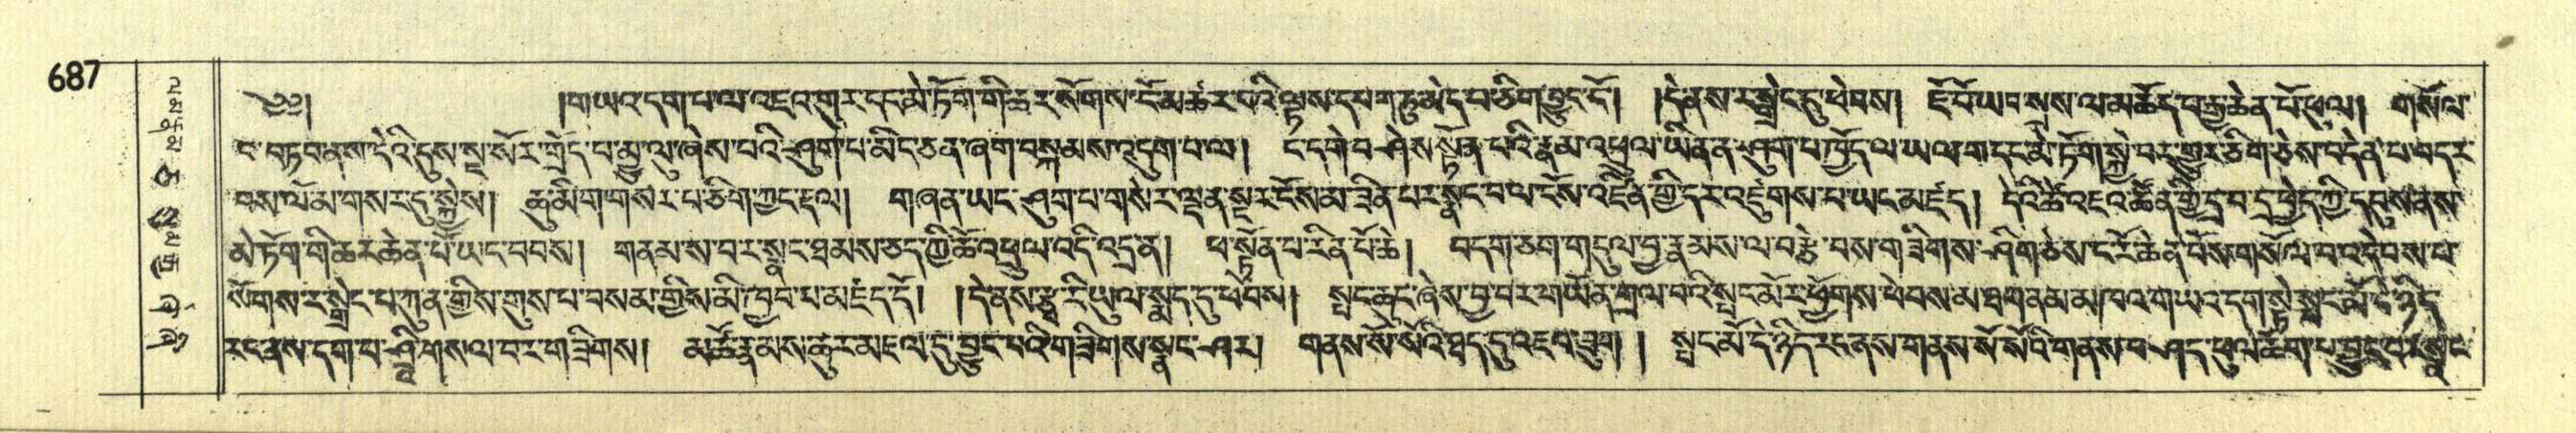༄༅། །གཡའ་དག་པ་ལ་འཇའ་གུར་དང་མེ་ཏོག་གི་ཆར་སོགས་ངོ་མཚར་བའི་ལྟས་དཔག་ཏུ་མེད་པ་ཅིག་བྱུང་ངོ། །དེ་ནས་ར་སྒྲེང་དུ་ཕེབས། ཇོ་བོ་ཡབ་སྲས་ལ་མཆོད་པ་རྒྱ་ཆེན་པོ་ཕུལ། གསོལ་
བ་བཏབ་ནས་དེའི་དུས་སྔ་སོར་གྲོད་པ་མྱུ་ལུ་ཞེས་པའི་ཤུག་པ་མིང་ཅན་ཞག་བསྐམས་འདུག་པ་ལ། ང་དགེ་བཤེས་སྟོན་པའི་རྣམ་འཕྲུལ་ཡིན་ན་ཤུག་པ་ཁྱོད་ལ་ཡལ་གདང་མེ་ཏོག་སྐྱེ་བར་གྱུར་ཅིག་ཅེས་དབེན་པ་བདར་
བས་ལོ་ཨམ་གསར་དུ་སྐྱེས། ཆུ་མིག་གསེར་པ་ཅིག་ཀྱང་རྡལ། གཞན་ཡང་ཤུགས་པ་གསེར་ལྡན་སྔར་ངོས་མ་ཟིན་པར་སྣང་བ་ལ་ངོས་འཛིན་གྱི་དར་འཛུགས་པ་ཡང་མཛད། དེའི་ཚེ་འཇའ་ཚོན་གྱི་དྲ་བ་དྲ་ཕྱེད་ཀྱི་དབུས་ནས་
མེ་ཏོག་གི་ཆར་ཆེན་པོ་ཡང་བབས། གནམ་ས་བར་སྣང་ཐམས་ཅད་ཀྱི་ཆོ་འཕྲུལ་འདི་འདྲ་ན། ཕ་སྟོན་པ་རིན་པོ་ཆེ། བདག་ཅག་གདུལ་བྱ་རྣམས་ལ་བརྩེ་བས་གཟིགས་ཤིག་ཅེས་ང་རོ་ཆེན་པོས་གསོལ་བ་འདེབས་པ་
སོགས་ས་ར་སྒྲེང་བ་ཀུན་གྱིས་གུས་པ་བསམ་གྱིས་མི་ཁྱབ་པ་མཛད་དོ། །དེ་ནས་རྩྭ་རི་ཡུལ་སྨད་དུ་ཕེབས། སྤང་ཆུང་ཞེས་བྱ་བར་གཡོན་གྲལ་བའི་སྤང་མར་ཕྱོགས་ཕེབས་མ་ཐག་ནམ་མཁའ་གཡའ་དག་སྟེ་སྤང་མོ་དེ་ཉིད་
རང་ནས་དག་པ་ཤྲཱི་གསལ་བར་གཟིགས། མཚོ་རྣམས་ཆུར་མཇལ་དུ་བྱུང་པའི་གཟིགས་སྣང་ཤར། གནས་སོ་སོའི་ཐད་དུ་འཇབ་ཟུག །སྤང་མོ་དེ་ཉིད་རང་ནས་གནས་སོ་སོའི་གནས་བཤད་ཕུལ་ཆོག་པ་བྱུང་བར་སྣང་